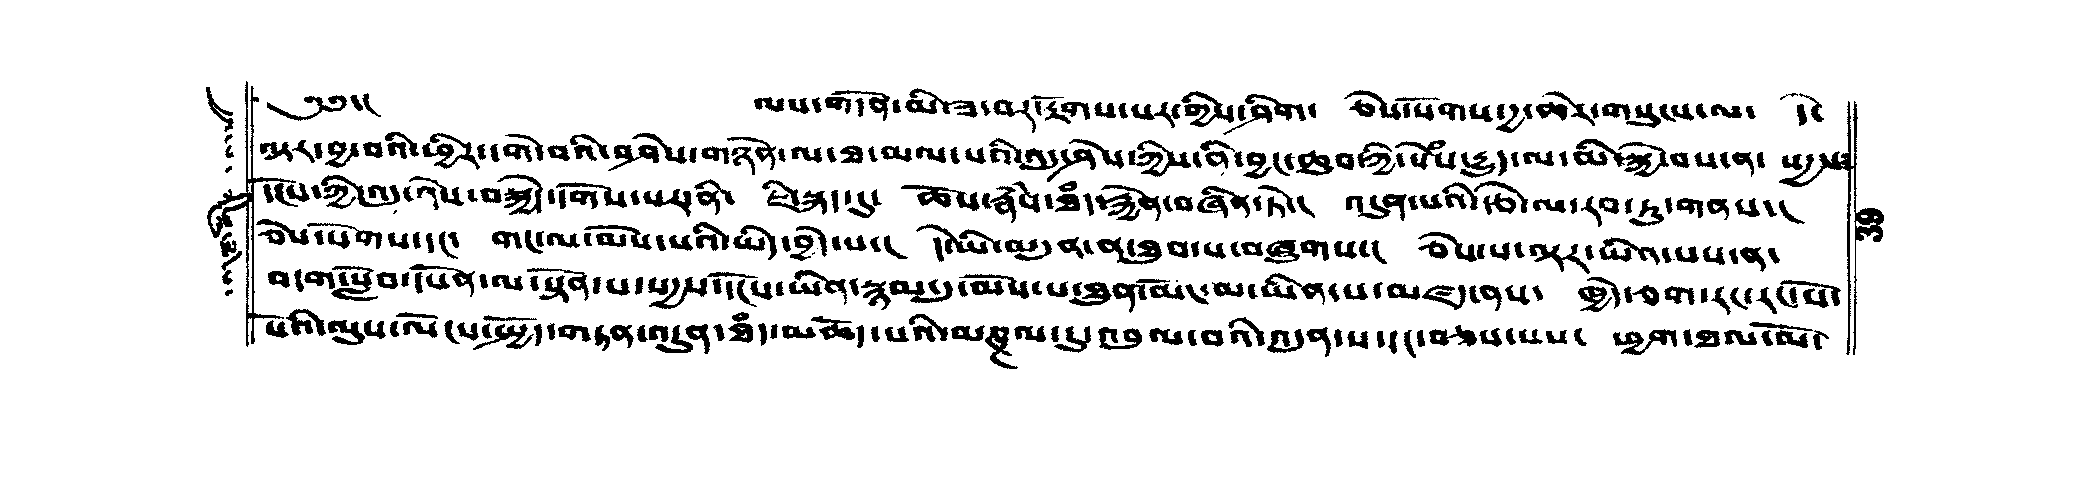ལས་གདོན་མི་ཟ་བར་རྟོགས་པར་གྱིས་ཤིག ཅེས་སོགས་རྒྱ་ཆེར་གསུངས་ལ། དེ་
ལྟར་བྱ་བའི་ཕྱིར་དགེ་བའི་བཤེས་གཉེན་ལ་ཐ་མལ་པའི་འདུ་ཤེས་ཀྱིས་ནི་བྱང་ཆུབ་ཀྱི་སེམས་རྒྱུད་ལ་མི་སྐྱེ་བས་ན། སངས་རྒྱས་
དངོས་ཀྱི་འདུ་ཤེས་བསྐྱེད་དགོས་པར་ནི། ཇི་སྐད་དུ། ཆོས་རྣམས་ཐམས་ཅད་རྐྱེན་བཞིན་ཏེ། འདུན་པའི་རྩེ་ལ་རབ་ཏུ་གནས། 
ཅེས་སོགས་དང་། གང་ལ་མོས་པའི་ཡིད་བྱེད་པ། དེ་ཧཡི་མདུན་ན་ཐུབ་པ་བཞུགས། ཅེས་པ་ལྟར་ཡིན་པས་ན་
བདག་སློབ་དཔོན་ལ་སྟོན་པ་སངས་རྒྱས་དངོས་ཡིན་སྙམ་དུ་མོས་པ་ཐུན་མོང་མ་ཡིན་པ་མཛད་ནས། ཁྱེད་ཅག་རང་རང་སོ་
སོའི་ལུས་ལོངས་སྤྱོད་གཏན་འདུན་ཐམས་ཅད་མཆོད་པའི་མཎྜལ་དུ་འབུལ་བའི་འདུན་པ་དང་བཅས་པས། ཕྱག་ཐལ་མོ་